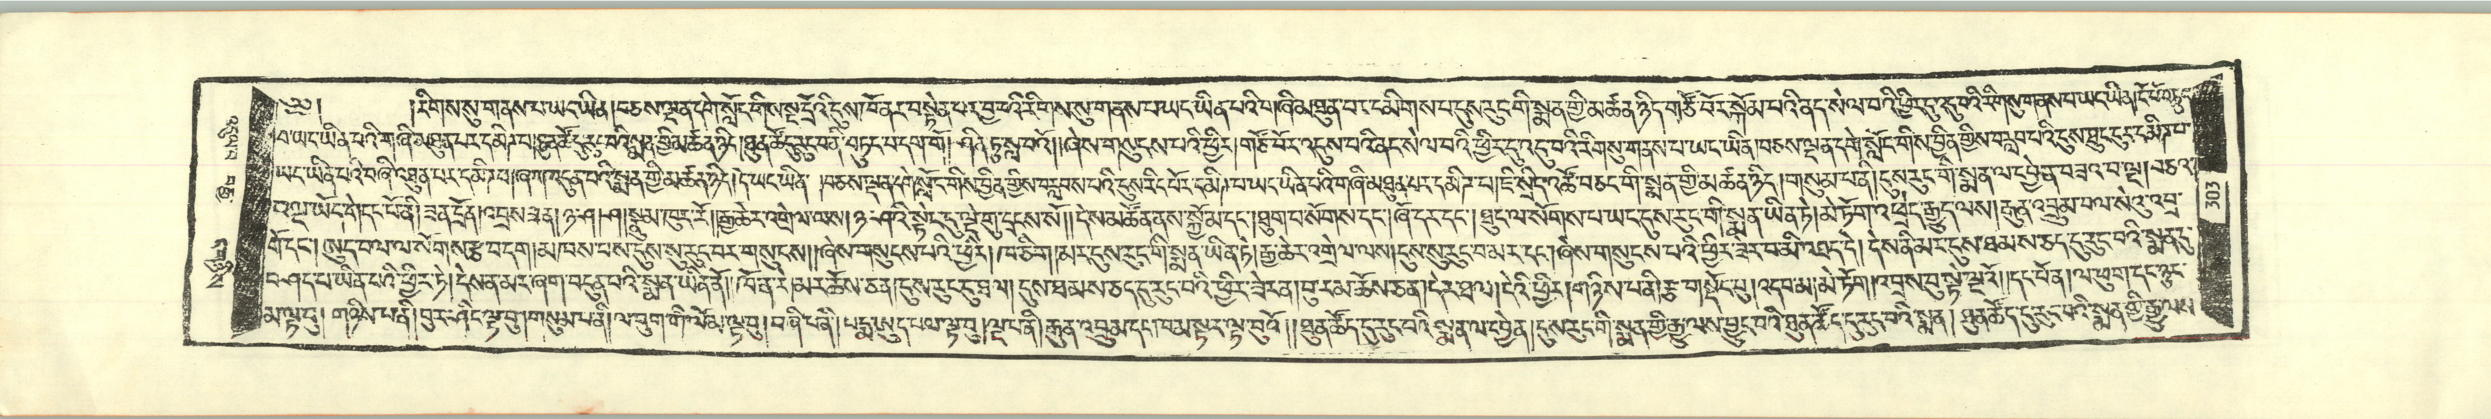༄༅། །རིགས་སུ་གནས་པ་ཡང་ཡིན། བཅས་ལྡན་དགེ་སློང་གིས་སྔ་དྲོའི་དུས་ཁོ་ནར་བསྟེན་པར་བྱ་བའི་རིགས་སུ་གནས་པ་ཡང་ཡིན་པའི་གཞི་མཐུན་པར་དམིགས་པ་དུས་རུང་གི་སྨན་གྱི་མཚན་ཉིད་གཙོ་བོར་སྐོམ་པའི་ནད་སེལ་བའི་ཕྱིར་དུ་འདུ་བའི་རིགས་སུ་གནས་པ་ཡང་ཡིན། ངོ་པོ་འྟུང་
བ་ཡང་ཡིན་པའི་གཞི་མཐུན་པར་དམིགས་པ། ཐུན་ཚོ་དུ་རུང་བའི་སྨན་གྱི་མཚན་ཉིད། ཐུན་ཚོ་དུ་རུང་བ་ནི་བཏུང་བ་དག་གོ །ཤིན་ཏུ་སླ་བའོ། །ཞེས་གསུངས་པའི་ཕྱིར། གཙོ་བོར་འདེས་པའི་ནང་སེལ་བའི་ཕྱིར་དུ་འདུ་བའི་རིགས་སུ་གནས་པ་ཡང་ཡིན། བཅས་ལྡན་དགེ་སློང་གིས་བྱིན་གྱིས་བརླབ་པའི་དུས་ཐུང་ངུར་དམིགས་པ་
ཡང་ཡིན་པའི་བཞི་འཐུན་པར་དམིགས་པ། ཞག་འདུན་པའི་སྨན་གྱི་མཚན་ཉིད། དེ་ཡང་ཡིན། བཅས་ལྡན་དགེ་སློང་གིས་བྱིན་གྱིས་བརླབས་པའི་དུས་རིང་པོར་དམིགས་པ་ཡང་ཡིན་པའི་གཞི་མཐུན་པར་དམིགས་པ། ཇི་སྲིད་འཚོ་བཅང་གི་སྨན་གྱི་མཚན་ཉིད། གསུམ་པ་ནི། དུས་རུང་གི་སྨན་ལ་དབྱེ་ན་བཟའ་བ་ལྔ། བཅའ་
བ་ལྔ་ཡོད་གེ་དང་པོ་ནི། ཟན་དྲོན། འབྲས་ཟན། ཉ་ཤ། ཤ། སྣུམ་ཁུར་རོ། །རྒྱ་ཆེར་འགྲེལ་ལས། ཉ་ཤའི་སྟེང་དུ་ལྡེ་གུ་དྲངས་སོ། །དེས་མཚོན་ནས་སྐྱོ་མ་དང་། ཐུག་པ་སོགས་དང་། ཞོ་དར་དང་། ཐུང་ལ་སོགས་པ་ཡང་དུས་རུང་གི་སྨན་ཡིན་ཏེ། མེ་ཏོག་འཕྲེང་རྒྱུད་ལས། རྒུན་འབྲུམ་པ་ལ་སེའུ་འབྲ་
གོ་དང་། ཨུད་བ་ལ་ལ་སོགས་རྩ་བ་དག །མཁས་པས་དུས་སུ་རུང་བར་གསུངས། །ཞེས་གསུངས་པའི་ཕྱིར། ཁ་ཅིག །མར་དུས་རུང་གི་སྨན་ཡིན་ཏེ། རྒྱ་ཆེར་འགྲེལ་ལས། དུས་སུ་རུང་བ་མར་དང་། ཞེས་གསུངས་པའི་ཕྱིར་ཟེར་བ་མི་འཐད་དེ། དེས་ནི་མར་དུས་ཐམས་ཅད་དུ་རུང་བའི་སྨན་དུ་
བཤད་པ་ཡིན་པའི་ཕྱིར་ཏེ། དེས་ན་མར་ཞག་བདུན་པའི་སྨན་ཡིན་ནོ། །ཁོ་ན་རེ། མར་ཆོས་ཅན། དུས་རུང་དུ་ཐལ། དུས་ཐམས་ཅད་དུ་རུང་བའི་ཕྱིར་ཟེར་ན། བུ་རམ་ཆོས་ཅན། དེར་ཐལ། དེའི་ཕྱིར། གཉིས་པ་ནི། རྩ་གསྡོང་པུ། འདབ་མ། མེ་ཏོག །འབྲས་བུ་སྟེ་ལྔའོ། །དང་པོ་ན། ལ་ཕུག་དང་ཉུང་
མ་ལྟ་བུ། གཉིས་པ་ནི། བུར་ཤིང་ལྟ་བུ། གསུམ་པ་ནི། ལ་བུག་གི་ལོ་མ་ལྟ་བུ། བཞི་པ་ནི། པདམ་ཨུད་པ་ལ་ལྟ་བུ། ལྔ་པ་ནི། རྒུན་འབྲུམ་དང་ཁམ་སྟར་ལྟ་བུའོ། །ཐུན་ཚོད་དུ་རུང་བའི་སྨན་ལ་དབྱེན། དུས་རུང་གི་སྨན་གྱི་རྒྱུ་ལས་བྱུང་བའི་ཐུན་ཚོད་དུ་རུང་བའི་སྨན། ཐུན་ཚོད་དུ་རུང་བའི་སྨན་གྱི་རྒྱུ་ལས་